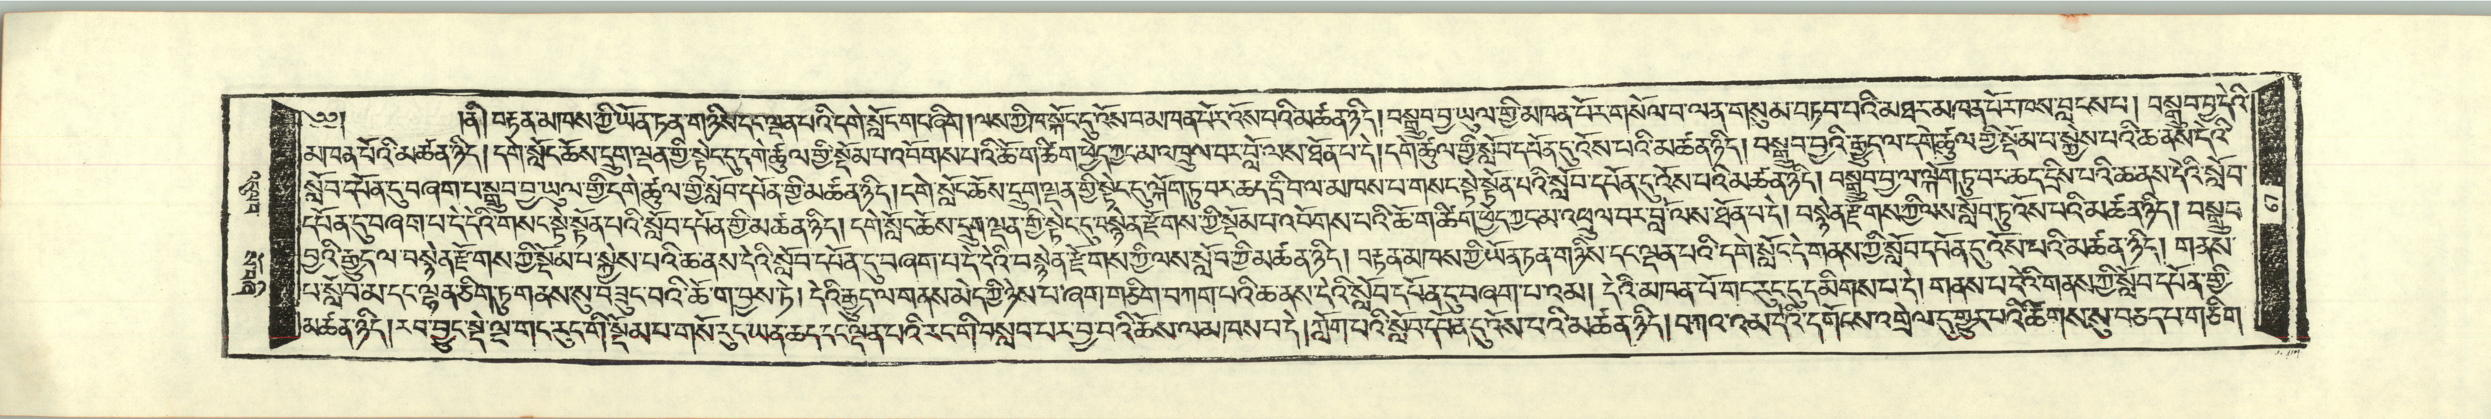༄༅། །ནི། བརྟན་མཁས་ཀྱི་ཡོན་ཏན་གཉིས་དང་ལྡན་པའི་དགེ་སློང་གང་ཞིག །ལས་ཀྱི་ཁ་སྐོང་དུ་འོས་བ་མཁན་པོར་འོས་པའི་མཚན་ཉིད། བསྒྲུབ་བྱ་ཡུལ་གྱི་མཁན་པོར་གསོལ་བ་ལན་གསུམ་བཏབ་པའི་མཐར་མཁན་པོར་ཁས་བླངས་པ། བསྒྲུབ་བྱ་དེའི་
མཁན་པོའི་མཚན་ཉིད། དགེ་སློང་ཆོས་དྲུག་ལྡན་གྱི་སྟེང་དུ་དགེ་ཚུལ་གྱི་སྡོམ་པ་འབོགས་པའི་ཆོ་ག་ཚིག་ཕྱེད་ཀྱང་མ་འཁྲུལ་བར་བློ་ལས་ཐོན་པ་དེ། དགེ་ཚུལ་གྱི་སློབ་དཔོན་དུ་འོས་པའི་མཚན་ཉིད། བསྒྲུབ་བྱའི་རྒྱུད་ལ་དགེ་ཚུལ་གྱི་སྡོམ་པ་སྐྱེས་པའི་ཆ་ནས་དེའི་
སློབ་དཔོན་དུ་བཞག་པ་སྒྲུབ་བྱ་ཡུལ་གྱི་དགེ་ཚུལ་གྱི་སློབ་དཔོན་གྱི་མཚན་ཉིད། དགེ་སློང་ཆོས་དྲུག་ལྡན་གྱི་སྟེང་དུ་ལྐོག་ཏུ་བར་ཆད་དྲི་བ་ལ་མཁས་པ་གསང་སྟེ་སྟོན་པའི་སློབ་དཔོན་དུ་འོས་པའི་མཚན་ཉིད། བསྒྲུབ་བྱ་ལ་ལྐོག་ཏུ་བར་ཆད་དྲིས་པའི་ཆ་ནས་དེའི་སློབ་
དཔོན་དུ་བཞག་པ་དེ་དེའི་གསང་སྟེ་སྟོན་པའི་སློབ་དཔོན་གྱི་མཚན་ཉིད། དགེ་སློང་ཆོས་དྲུག་ལྡན་གྱི་སྟེང་དུ་བསྙེན་རྫོགས་ཀྱི་སྡོམ་པ་འབོགས་པའི་ཆོ་ག་ཚིག་ཕྱེད་ཀྱང་མ་འཕྲུལ་བར་བློ་ལས་ཐོན་པ་དེ། བསྙེན་རྫོགས་ཀྱི་ལས་སློབ་ཏུ་འོས་པའི་མཚན་ཉིད། བསྒྲུབ་
བྱའི་རྒྱུད་ལ་བསྙེན་རྫོགས་ཀྱི་སྡོམ་པ་སྐྱེས་པའི་ཆ་ནས་དེའི་སློབ་དཔོན་དུ་བཞག་པ་དེ་དེའི་བསྙེན་རྫོགས་ཀྱི་ལས་སློབ་ཀྱི་མཚན་ཉིད། བརྟན་མཁས་ཀྱི་ཡོན་ཏན་གཉིས་དང་ལྡན་པའི་དགེ་སློང་དེ་གནས་ཀྱི་སློབ་དཔོན་དུ་འོས་པའི་མཚན་ཉིད། གནས་
པ་སློབ་མ་དང་ལྷན་ཅིག་ཏུ་གནས་སུ་བཟུང་བའི་ཆོ་ག་བྱས་ཏེ། དེའི་རྒྱུད་ལ་གནས་མེད་ཀྱི་ཉེས་པ་ཞག་གཅིག་བཀག་པའི་ཆ་ནས་དེའི་སློབ་དཔོན་དུ་བཞག་པ་འམ། དེའི་མཁན་པོ་གང་རུང་དུ་དམིགས་པ་དེ། གནས་པ་དེའི་གནས་ཀྱི་སློབ་དཔོན་གྱི་
མཚན་ཉིད། རབ་བྱུང་སྡེ་ལྔ་གང་རུང་གི་སྡོམ་པ་གསོ་རུང་ཡན་ཆད་དང་ལྡན་པའི་རང་གི་བསླབ་པར་བྱ་བའི་ཆོས་ལ་མཁས་པ་དེ། ཀློག་པའི་སློབ་དཔོན་དུ་འོས་པའི་མཚན་ཉིད། བཀའ་འམ་དེའི་དགོངས་འགྲེལ་དུ་གྱུར་པའི་ཚིགས་སུ་བཅད་པ་གཅིག་